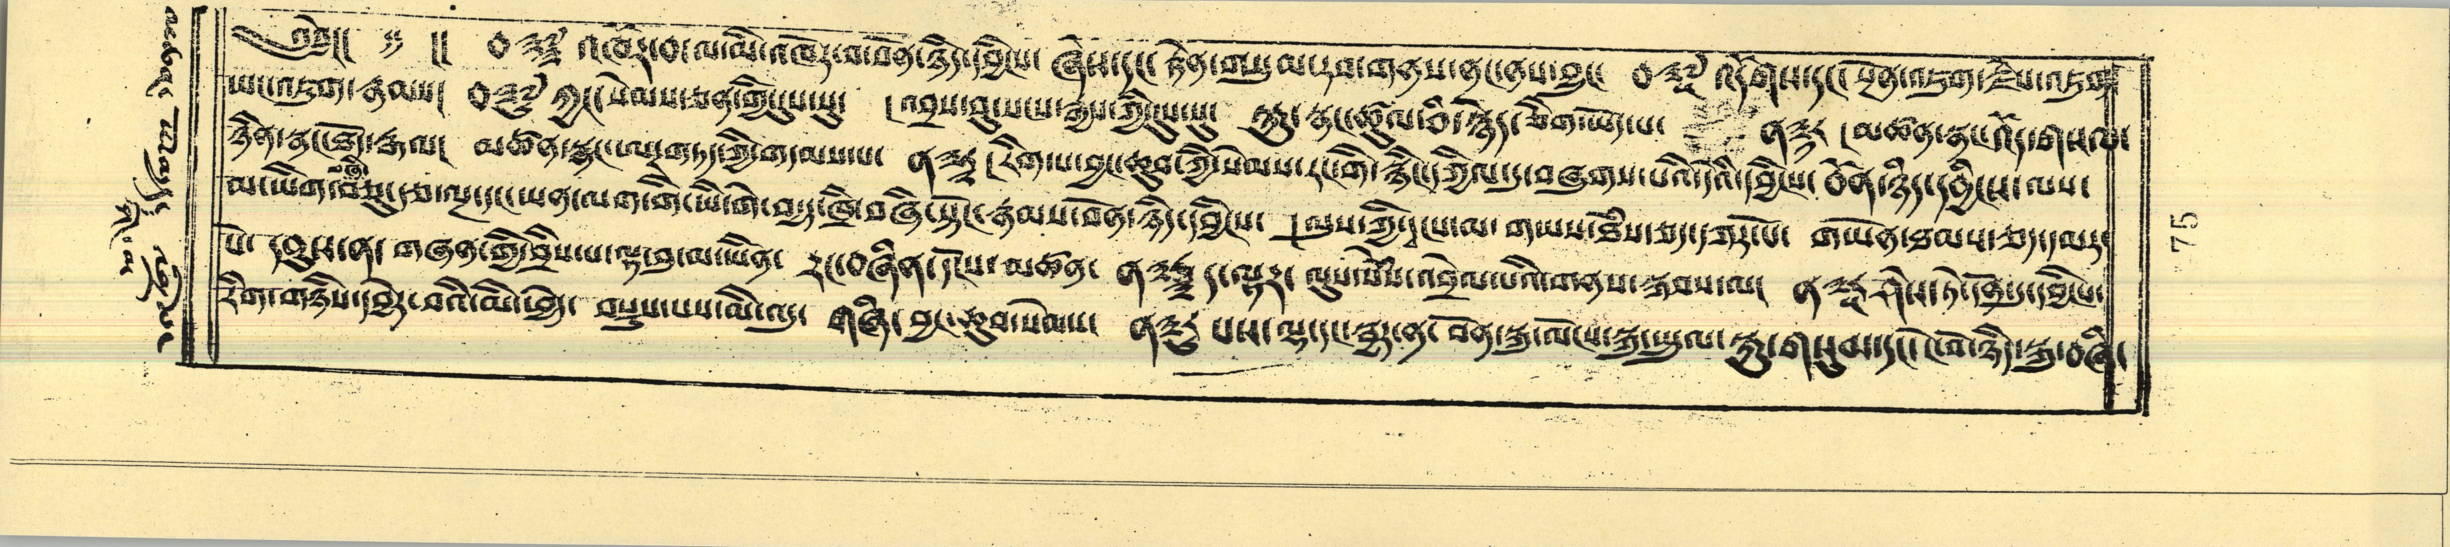བ༣༧།༣ ༼འཁོར་བ་༽ལ་མི་འཁོར་བ་བོན་ཉིད་དབྱིངས་༼ཞེས་དང༽རྟེན་གསུམ་རབ་གནས་ནང་ནས་བྱུང་བ༣༧།༥༼འདོགས་དང༽སྔོན་འཇུག་རྗེས་འཇུག་
ཡང་འཇུག་རྣམས་བ༣༧།༦༼ཀྱང༽སེམས་ཅན་གྱི་དུས་སུ་འབྲས་བུ་སངས་རྒྱས་ཀྱི་དུས་སུ་༼སྐུ༽སྣང་ཚུལ་༼ཇི་སྙེད༽ཅིག་ཡོད་པས་ན༣༨།མཚན་སྣང་འོད་གསལ་
ཉིན་སྣང་༼ཐོད་རྒལ༽མཚན་སྣང་ཨར་གཏད་ཀྱི་གདམས་པ་ན༣༨།༢ རིག་པ་བྱང་ཆུབ་ཀྱི་སེམས་རང་གི་སྙིང་དཀྱིལ་དུ་བཞུགས་པའི་དེའི་དབྱིངས་ ༼བོན་ཉིད་དབྱིངས༽ལས་
མ་ཡིག་བཞི་བཅུ་རྩ་ལྔ་དང་ཡན་ལག་གི་ཡི་གེ་བརྒྱད་ཁྲི་བཞི་སྟོང་རྣམས་བོན་ཉིད་ཀྱི་དབྱིངས་ལུས་ཀྱི་དྭངས་མ་གཡས་ཐམས་ཅད་དཀར་པོ་གཡོན་ཐམས་ཅད་དམར་
པོ་ དབུས་ན་གཞན་གྱིས་བྲིས་པ་ལྟ་བུ་མ་ཡིན་༼རང་བཞིན༽དངོས་མཚན་ན༣༨།༣ ༼ད་ལྟར༽ལུས་སེམས་འབྲེལ་བའི་གནས་སྐབས་ལ་ན༣༨།༥༼ཤེས་ཏེ༽དོན་དུ་དབྱིངས་
རིག་དབྱེར་བའི་མི་ཕྱེད་བསྡུས་པས་མི་འདུ་༼གཞི༽བྱང་ཆུབ་སེམས་ན༣༨།༦༼པས༽ལྷ་དང་སྦྱར་ན་བོན་སྐུ་ལོངས་སྐུ་སྤྲུལ་༼སྐུ་གསུམ་དང༽ངོ་བོ་ཉིད་སྐུ་༼བཞི༽